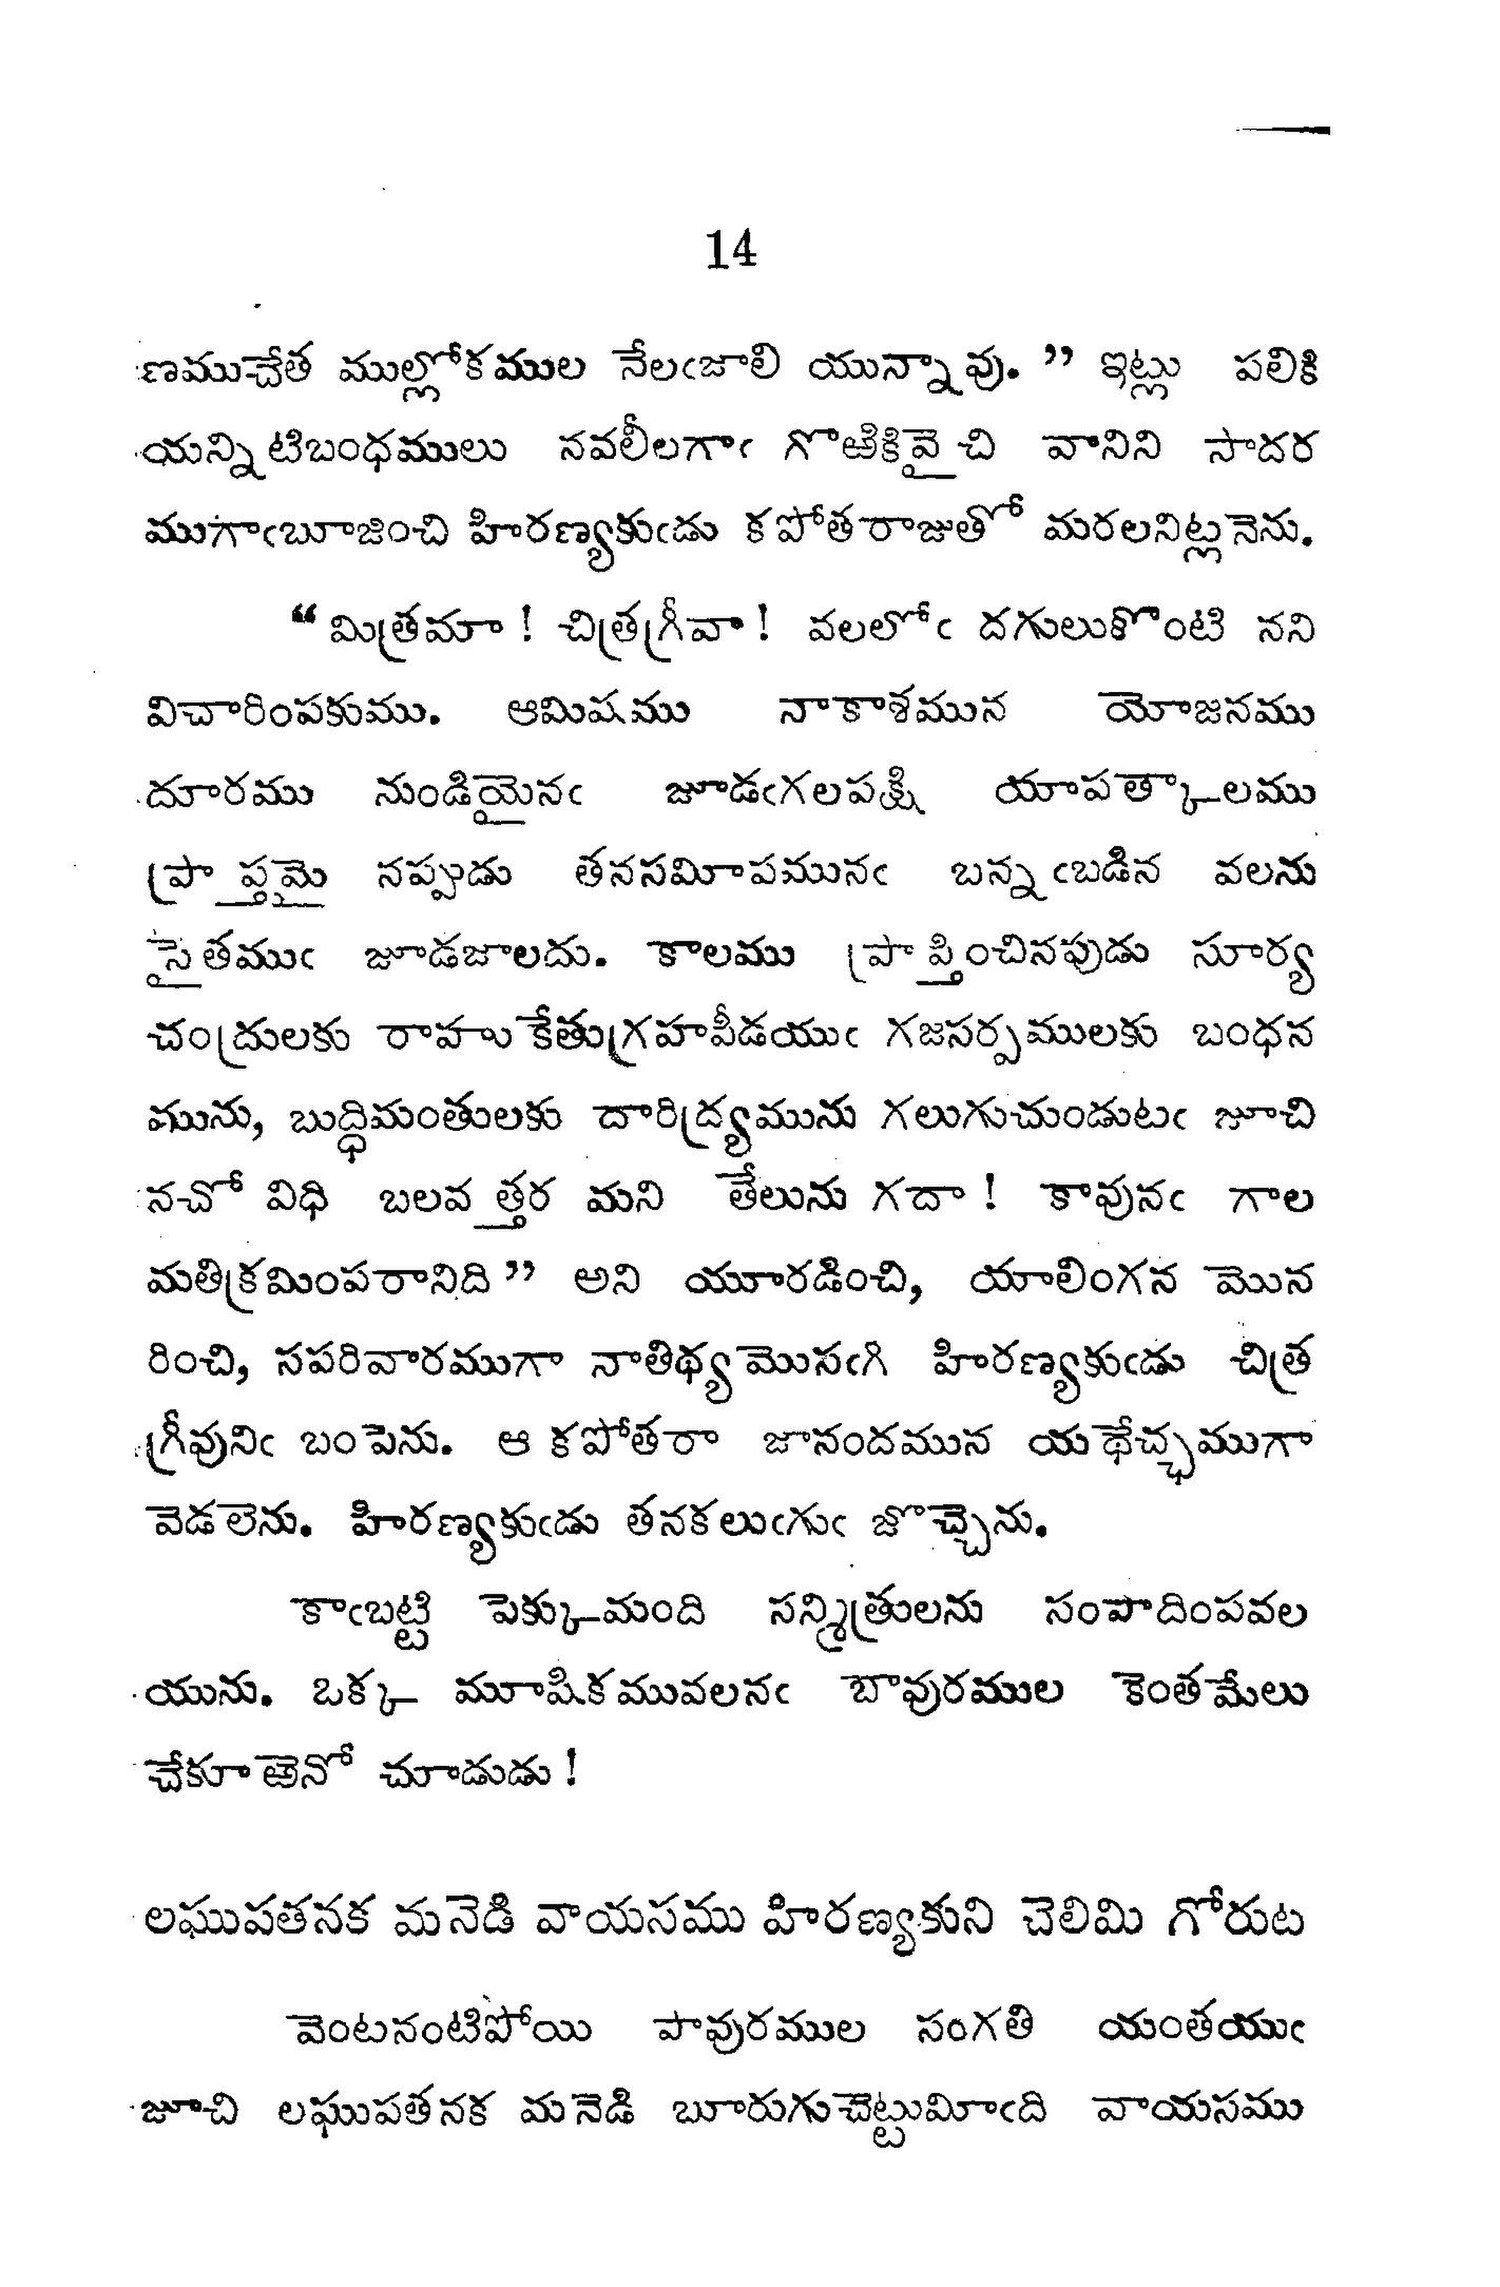ణముచేత ముల్లోకముల నేలజాలి యున్నావు." ఇట్లు పలికి యన్నిటిబంధములు నవలీలగా గొఱికివైచి వానిని సాదరముగా బూజించి హిరణ్యకుడు కపోతరాజుతో మరలనిట్లనెను.

"మిత్రమా! చిత్రగ్రీవా! వలలో దగులుకొంటి నని విచారింపకుము. ఆమిషము నాకాశమున యోజనము దూరము నుండియైన జూడగలపక్షి యాపత్కాలము ప్రాప్తమై నప్పుడు తనసమీపమున బన్న బడిన వలను సైతము జూడజాలదు. కాలము ప్రాప్తించినపుడు సూర్యచంద్రులకు రాహుకేతుగ్రహపీడయు గజసర్పములకు బంధనమును, బుద్ధిమంతులకు దారిద్ర్యమును గలుగుచుండుట జూచినచో విధి బలవత్తర మని తేలును గదా! కావున గాలమతిక్రమింపరానిది" అని యూరడించి, యాలింగన మొనరించి, సపరివారముగా నాతిథ్యమొసగి హిరణ్యకుడు చిత్రగ్రీవుని బంపెను. ఆ కపోతరా జానందమున యథేచ్ఛముగా వెడలెను. హిరణ్యకుడు తనకలుగు జొచ్చెను.

కాబట్టి పెక్కుమంది సన్మిత్రులను సంపాదింపవలయును. ఒక్క మూషికమువలన బావురముల కెంతమేలు చేకూఱెనో చూడుడు!

వెంటనంటిపోయి పావురములు సంగతి యంతయు జూచి లఘుపతనక మనెడి బూరుగుచెట్టుమీది వాయసము